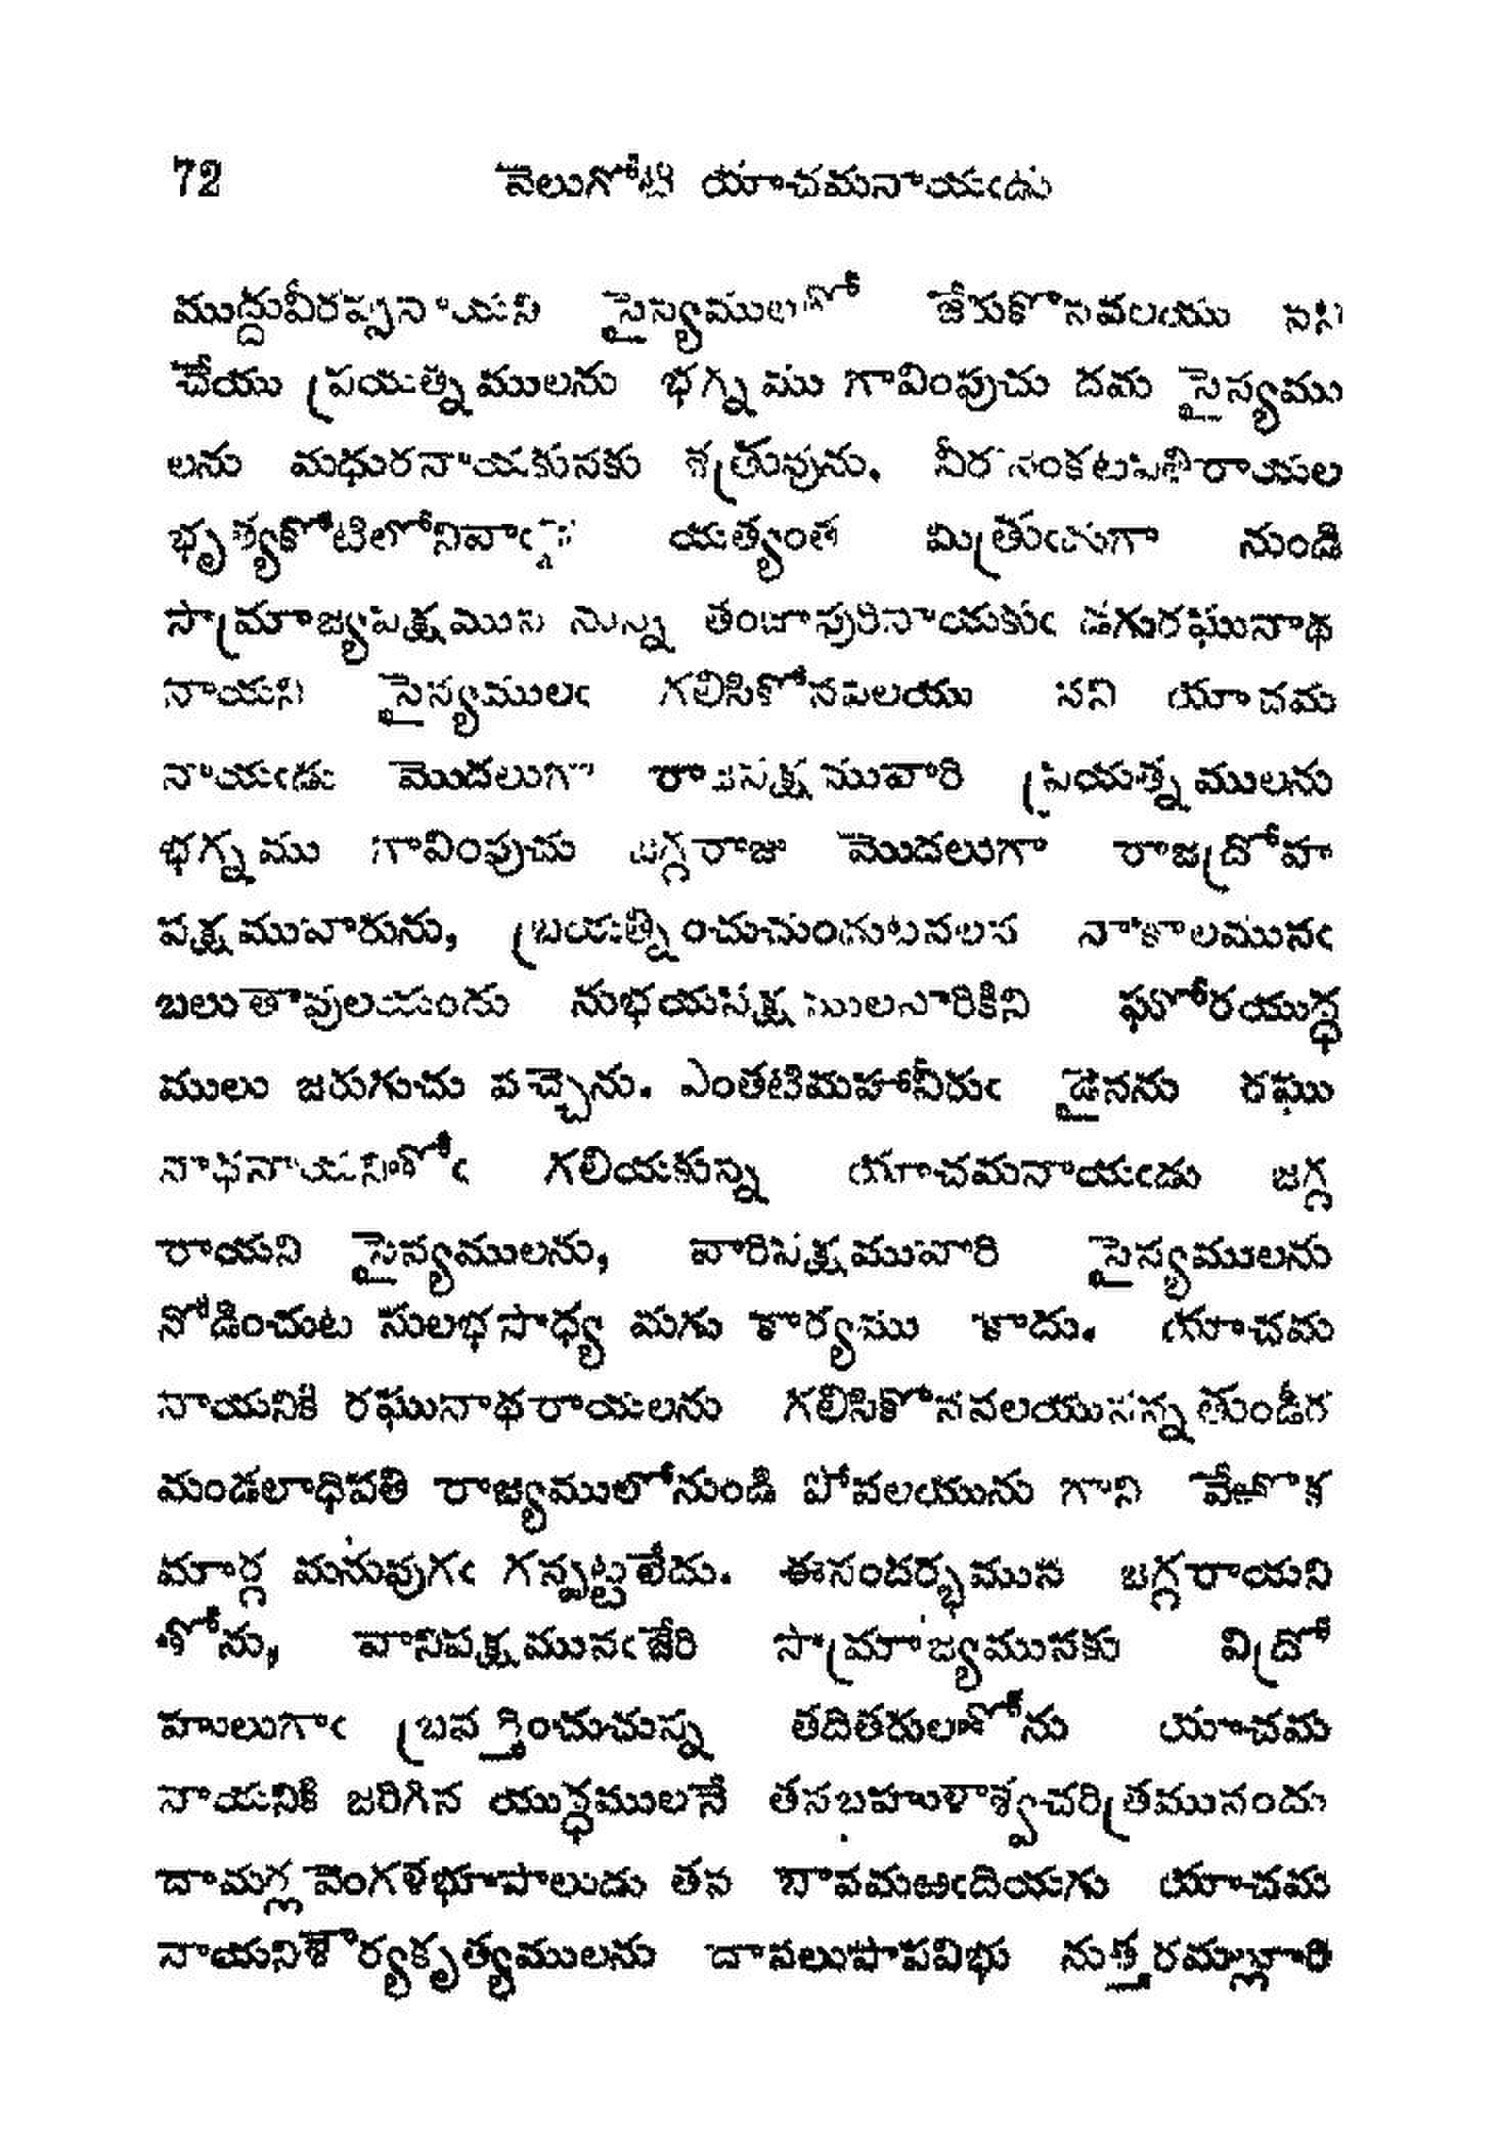ముద్దువీరప్పనాయని సైన్యములతో జేరుకొనవలయు నని చేయు ప్రయత్నములను భగ్నము గావింపుచు దమ సైన్యములను మధురనాయకునకు శత్రువును, వీరవేంకటపతిరాయల భృత్యకోటిలోనివాఁడై యత్యంత మిత్రుఁడుగా నుండి సామ్రాజ్యపక్షమున నున్న తంజావూరినాయకుఁ డగురఘునాథ నాయని సైన్యములఁ గలిసికొనవలయు నని యాచమనాయఁడు మొదలుగా రాజపక్షమువారి ప్రయత్నములను భగ్నము గావింపుచు జగ్గరాజు మొదలుగా రాజద్రోహ పక్షమువారును, బ్రయత్నించుచుండుటవలన నాకాలమునఁ బలుతావులయందు నుభయపక్షములవారికిని ఘోరయుద్ధములు జరుగుచు వచ్చెను. ఎంతటిమహావీరుఁ డైనను రఘునాధనాయనితోఁ గలియకున్న యాచమనాయఁడు జగ్గరాయని సైన్యములను, వారిపక్షమువారి సైన్యములను నోడించుట సులభసాధ్య మగు కార్యము కాదు. యాచమనాయనికి రఘునాథరాయలను గలిసికొనవలయునన్న తుండీరమండలాధిపతి రాజ్యములోనుండి పోవలయును గాని వేఱొక మార్గ మనువుగఁ గన్పట్టలేదు. ఈసందర్భమున జగ్గరాయని తోను, వానిపక్షమునఁజేరి సామ్రాజ్యమునకు విద్రోహులుగాఁ బ్రవర్తించుచున్న తదితరులతోను యాచమనాయనికి జరిగిన యుద్ధములనే తనబహుళాశ్వచరిత్రమునందు దామర్ల వెంగళభూపాలుడు తన బావమఱఁదియగు యాచమనాయని శౌర్యకృత్యములను దావలుపాపవిభు నుత్తరమల్లూరి